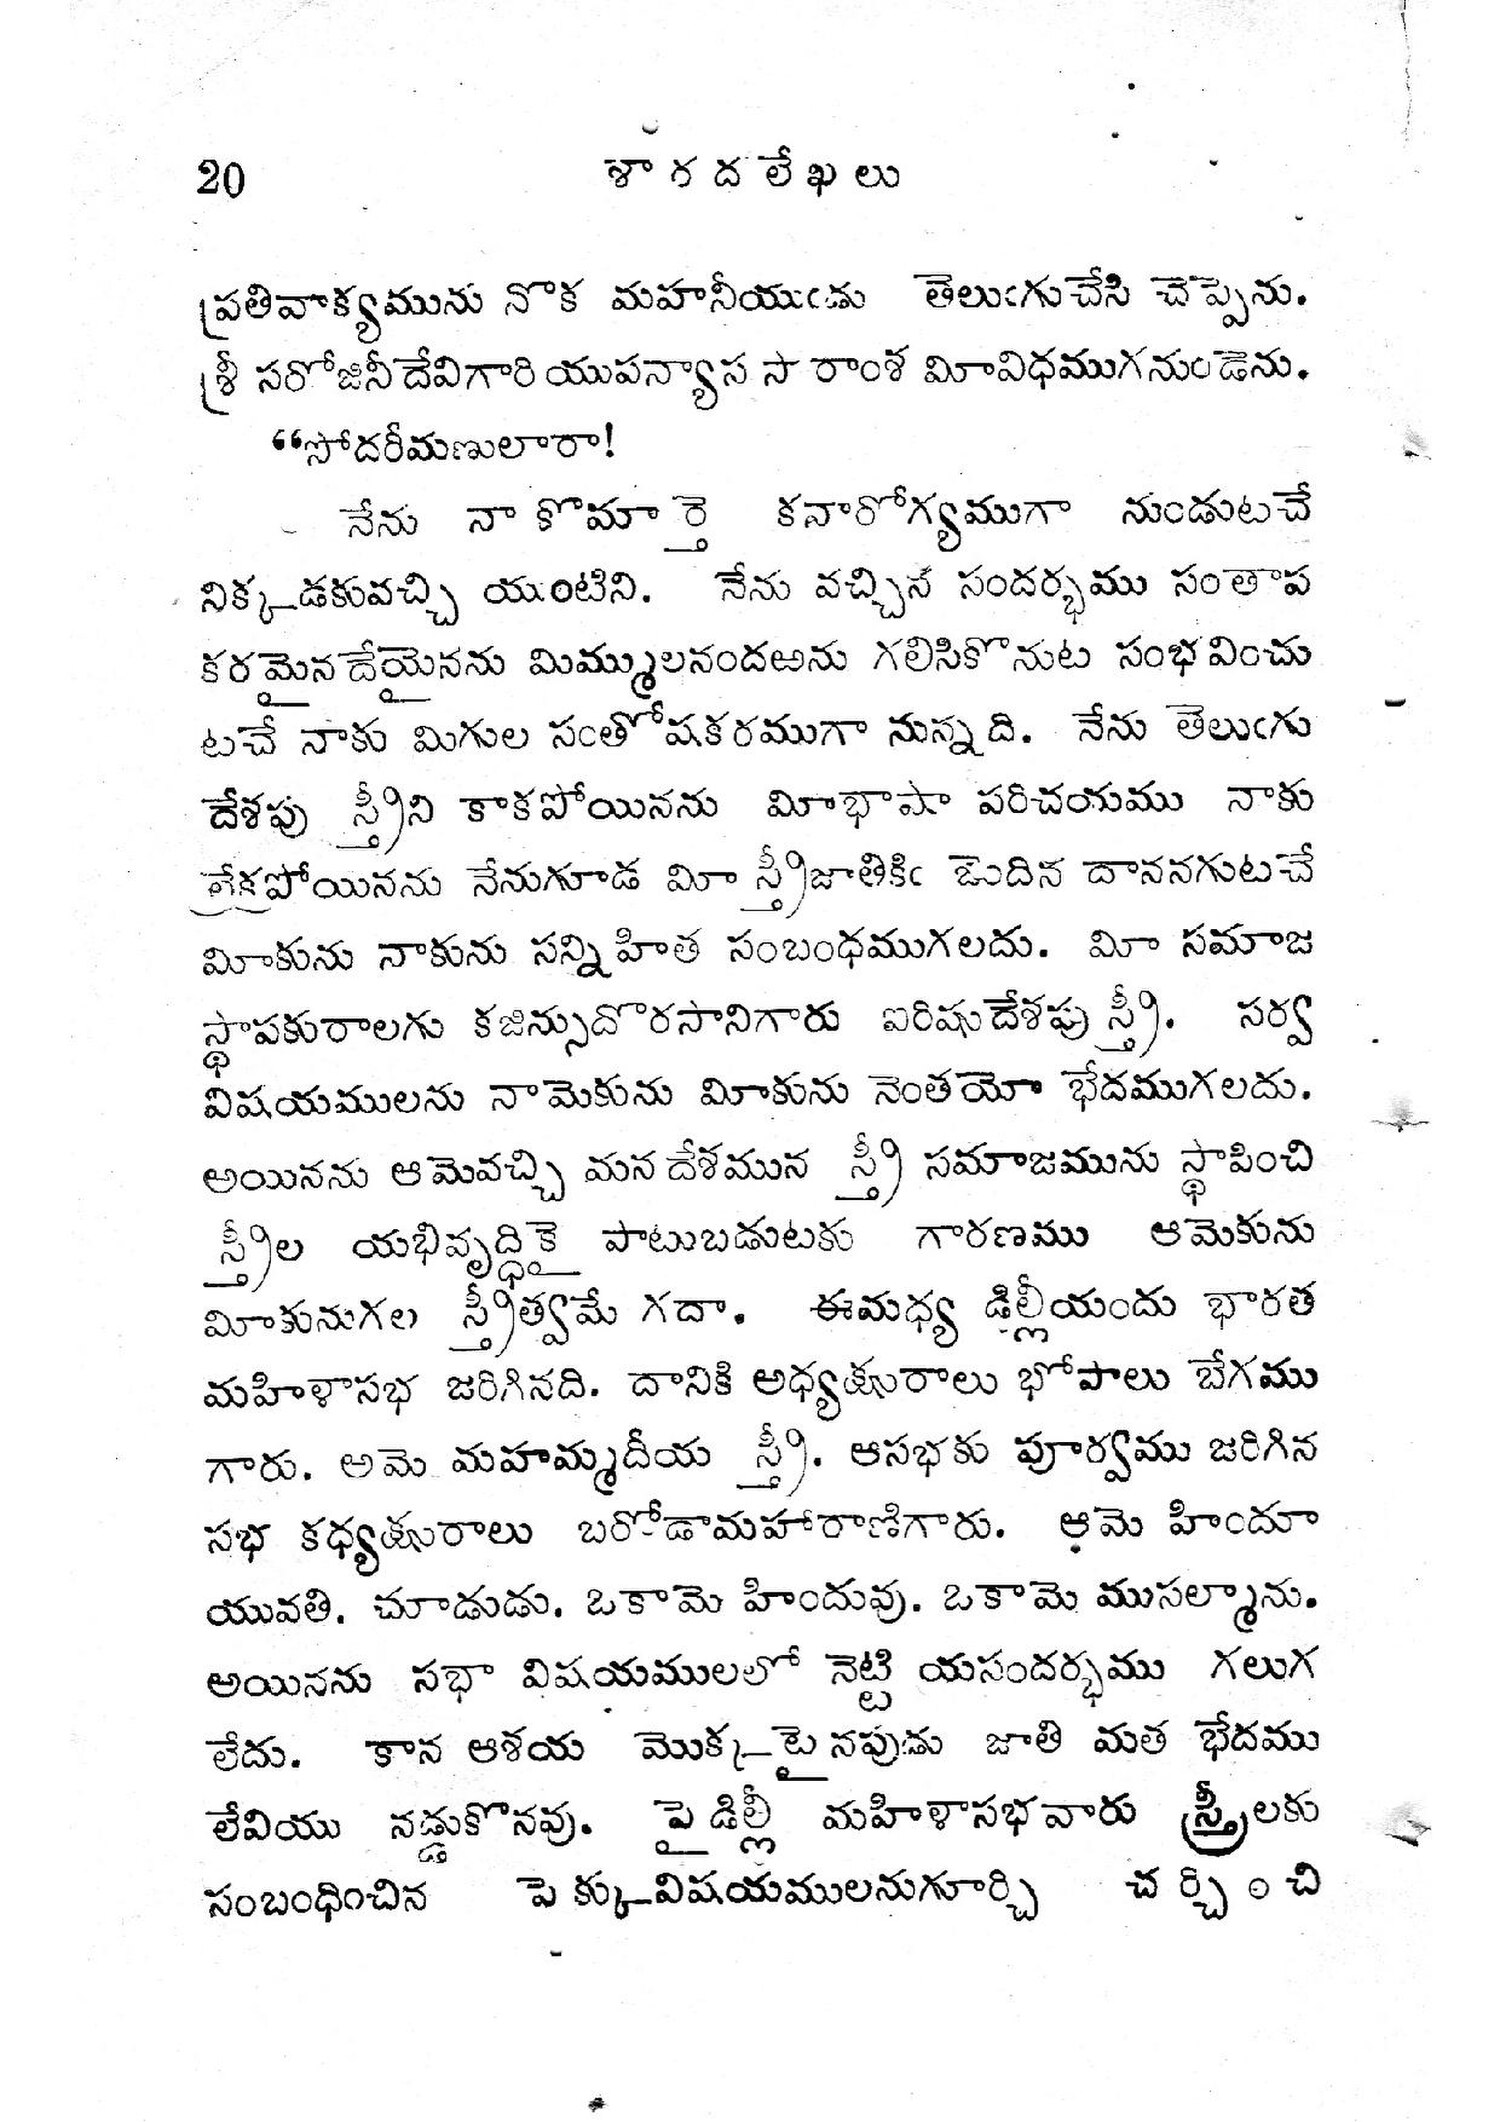ప్రతివాక్యమును నొక మహనీయుఁడు తెలుఁగుచేసి చెప్పెను. శ్రీ సరోజినీదేవిగారి యుపన్యాస సారాంశ మీవిధముగనుండెను.

"సోదరీమణులారా!

నేను నా కొమార్తె కనారోగ్యముగా నుండుటచే నిక్కడకువచ్చి యుంటిని. నేను వచ్చిన సందర్భము సంతాపకరమైనదేయైనను మిమ్ములనందఱను గలిసికొనుట సంభవించుటచే నాకు మిగుల సంతోషకరముగా నున్నది. నేను తెలుఁగుదేశపు స్త్రీని కాకపోయినను మీభాషా పరిచయము నాకు లేకపోయినను నేనుగూడ మీస్త్రీజాతికిఁ జెందిన దాననగుటచే మీకును నాకును సన్నిహిత సంబంధముగలదు. మీ సమాజ
స్థాపకురాలగు కజిన్సుదొరసానిగారు ఐరిషుదేశపుస్త్రీ. సర్వ విషయములను నామెకును మీకును నెంతయో భేదముగలదు. అయినను ఆమెవచ్చి మనదేశమున స్త్రీ సమాజమును స్థాపించి స్త్రీల యభివృద్ధికై పాటుబడుటకు గారణము ఆమెకును మీకునుగల స్త్రీత్వమే గదా. ఈమధ్య ఢిల్లీయందు భారత
మహిళాసభ జరిగినది. దానికి అధ్యక్షురాలు భోపాలు బేగముగారు. అమె మహమ్మదీయ స్త్రీ. ఆసభకు పూర్వము జరిగిన సభ కధ్యక్షురాలు బరోడామహారాణిగారు. ఆమె హిందూ యువతి. చూడుడు. ఒకామె హిందువు. ఒకామె ముసల్మాను. అయినను సభా విషయములలో నెట్టి యసందర్భము గలుగ లేదు. కాన ఆశయ మొక్కటైనపుడు జాతి మత భేదము లేవియు నడ్డుకొనవు. పైడిల్లీ మహిళాసభవారు స్త్రీలకు
సంబంధించిన పెక్కువిషయములనుగూర్చి చర్చించి